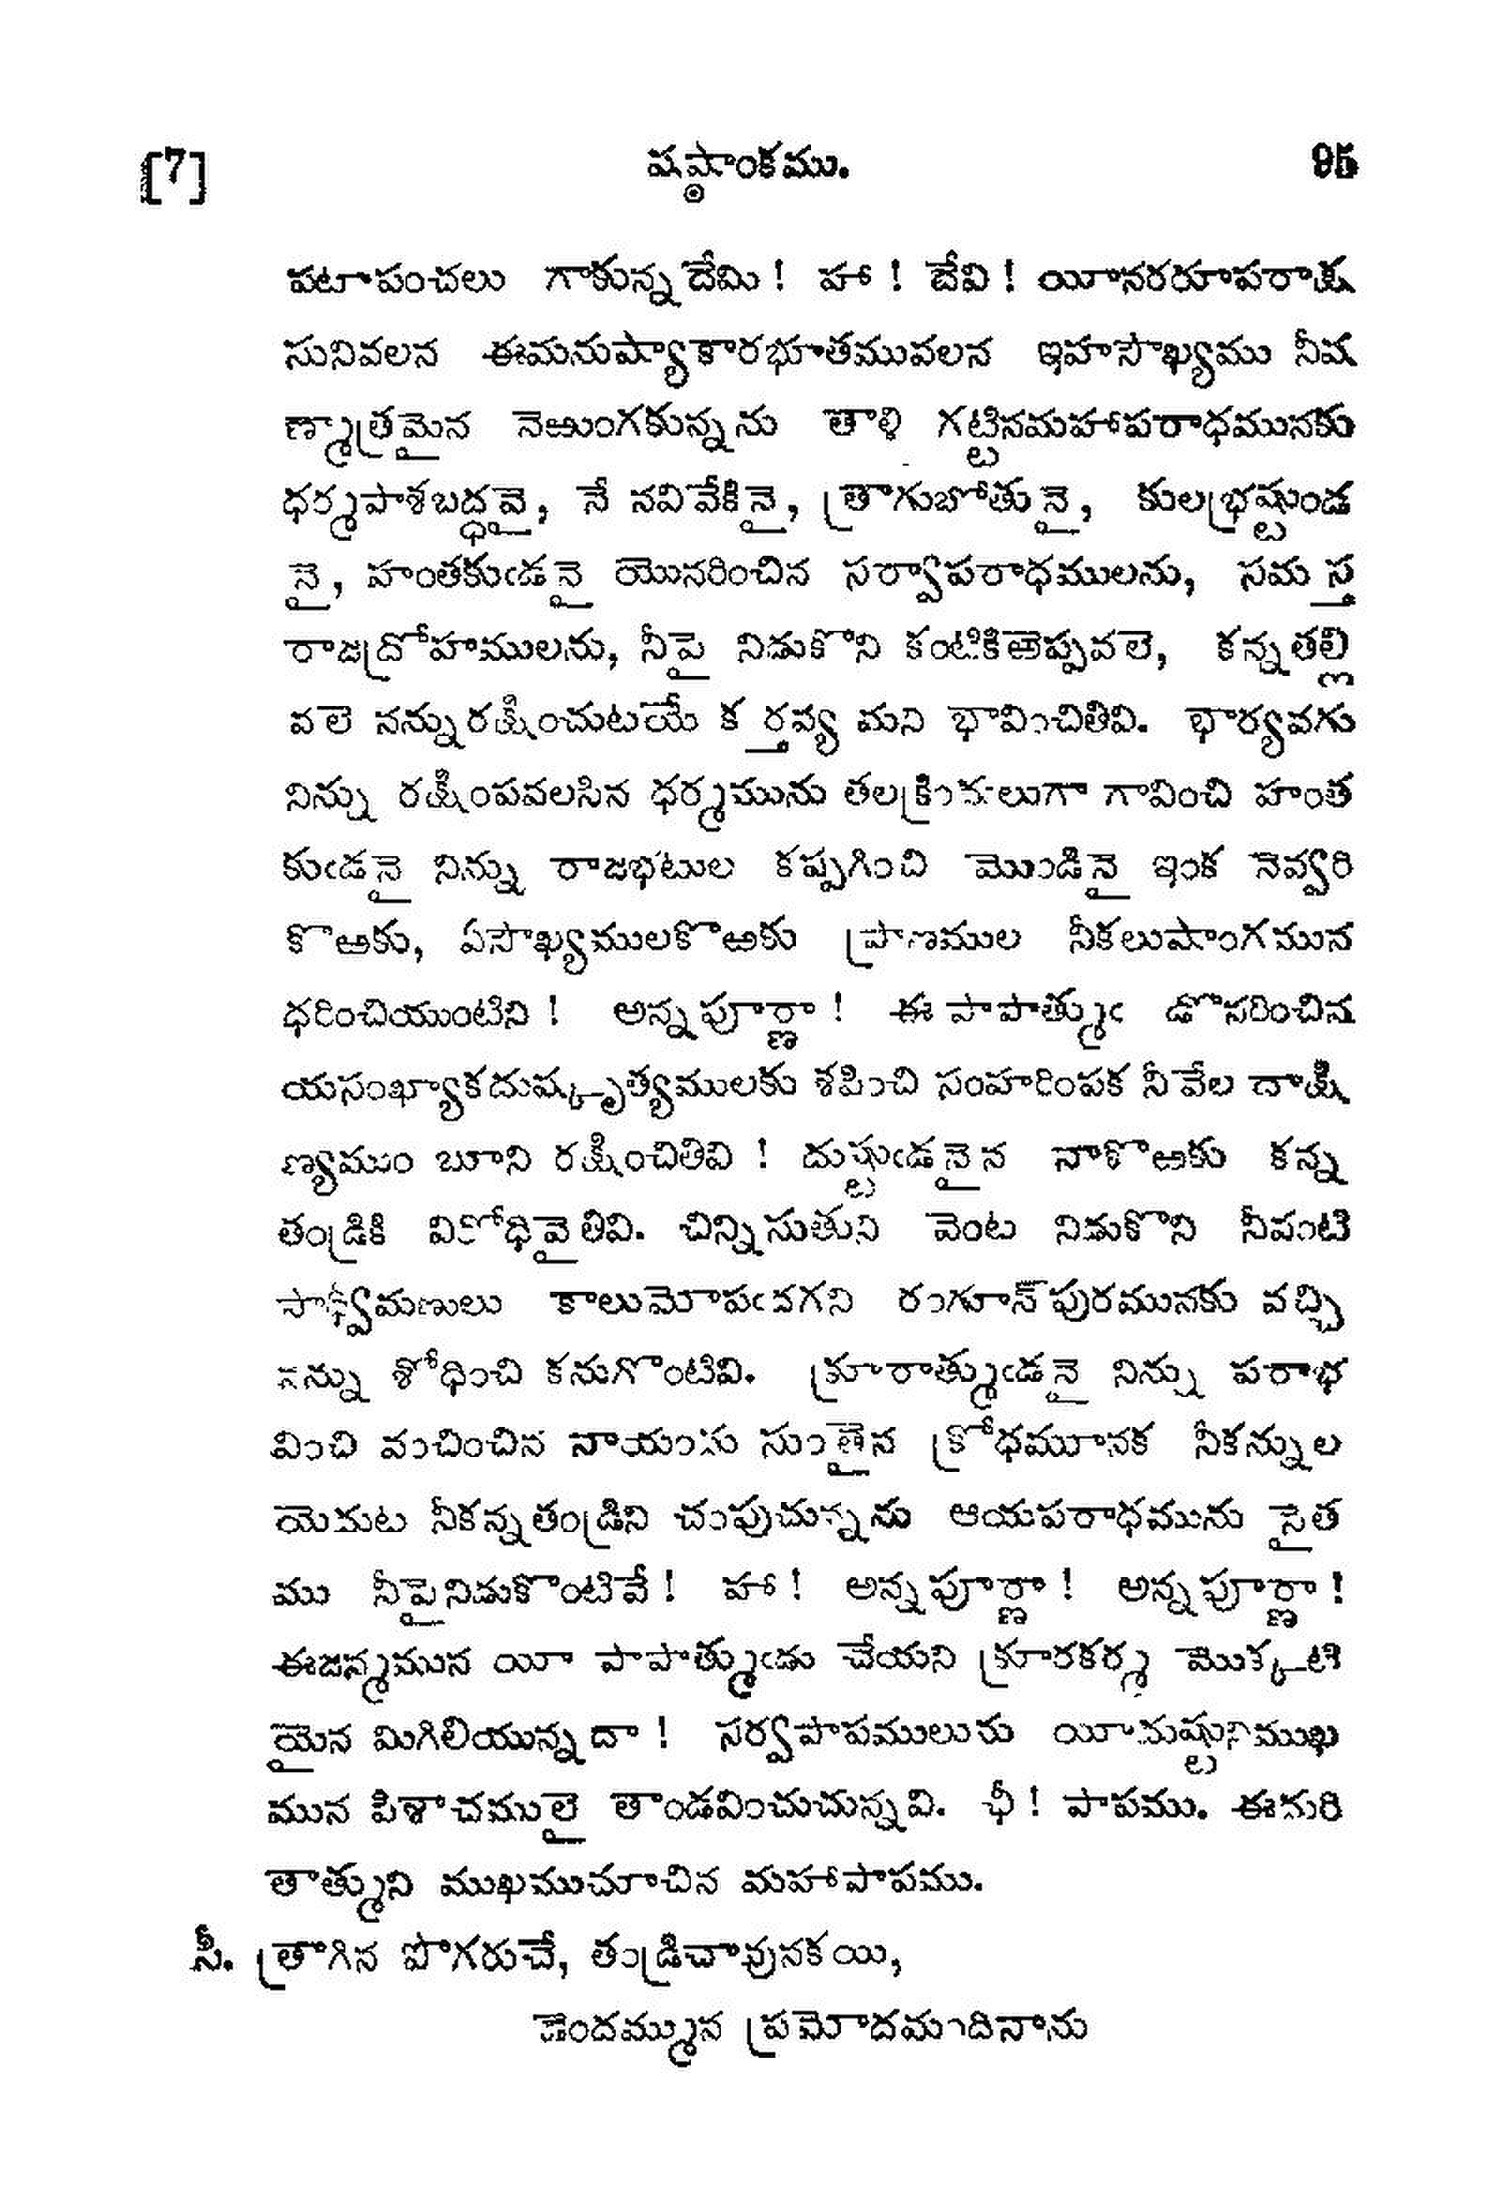పటాపంచలు గాకున్నదేమి ! హా ! దేవి ! యీనరరూపరాక్షసునివలన ఈమనుష్యాకారభూతము వలన ఇహసౌఖ్యము నీషణ్మాత్రమైన నెఱుంగకున్నను తాళి గట్టినమహాపరాధమునకు
ధర్మపాశబద్ధవై, నే నవివేకినై, త్రాగుబోతునై, కులభ్రష్టుండనై , హంతకుడనై యొనరించిన సర్వాపరాధములను, సమస్త రాజద్రోహములను, నీపై నిడుకొని కంటికిఱెప్పవలె, కన్నతల్లివలె నన్నురక్షించుటయే కర్తవ్య మని భావించితివి. భార్యవగు నిన్ను రక్షింపవలసిన ధర్మమును తలక్రిందులుగా గావించి హంతకుఁడనై నిన్ను రాజభటుల కప్పగించి మొండినై ఇంక నెవ్వరి కొఱకు, ఏసౌఖ్యములకొఱకు ప్రాణముల నీకలుషాంగమున ధరించియుంటిని ! అన్నపూర్ణా ! ఈ పాపాత్ముఁ డొనరించిన యసంఖ్యాకదుష్కృత్యములకు శపించి సంహరింపక నీ వేల దాక్షిణ్యముం బూని రక్షించితివి ! దుష్టుఁడనైన నాకొఱకు కన్నతండ్రికి విరోధివైతివి. చిన్నిసుతుని వెంట నిడుకొని నీవంటి
సాధ్వీమణులు కాలుమోపఁదగని రంగూన్‌పురమునకు వచ్చి నన్ను శోధించి కనుగొంటివి. క్రూరాత్ముఁడనై నిన్ను పరాభవించి వచించిన నాయందు సుంతైన క్రోధమూనక నీకన్నుల యెదుట నీకన్నతండ్రిని చంపుచున్నను ఆయపరాధమును సైతము నీపైనిడుకొంటివే ! హా! అన్నపూర్ణా ! అన్నపూర్ణా ! ఈజన్మమున పాపాత్ముఁడు చేయని క్రూరకర్మ మొక్కటియైన మిగిలియున్న దా! సర్వపాపములును యీదుష్టునిముఖమున పిశాచములై తాండవించుచున్నవి. ఛీ ! పాపము. ఈదురితాత్ముని ముఖముచూచిన మహాపాపము.

సీ. త్రాగిన పొగరుచే, తండ్రిచావునకయి,
 డెందమ్మున ప్రమోదమందినాను